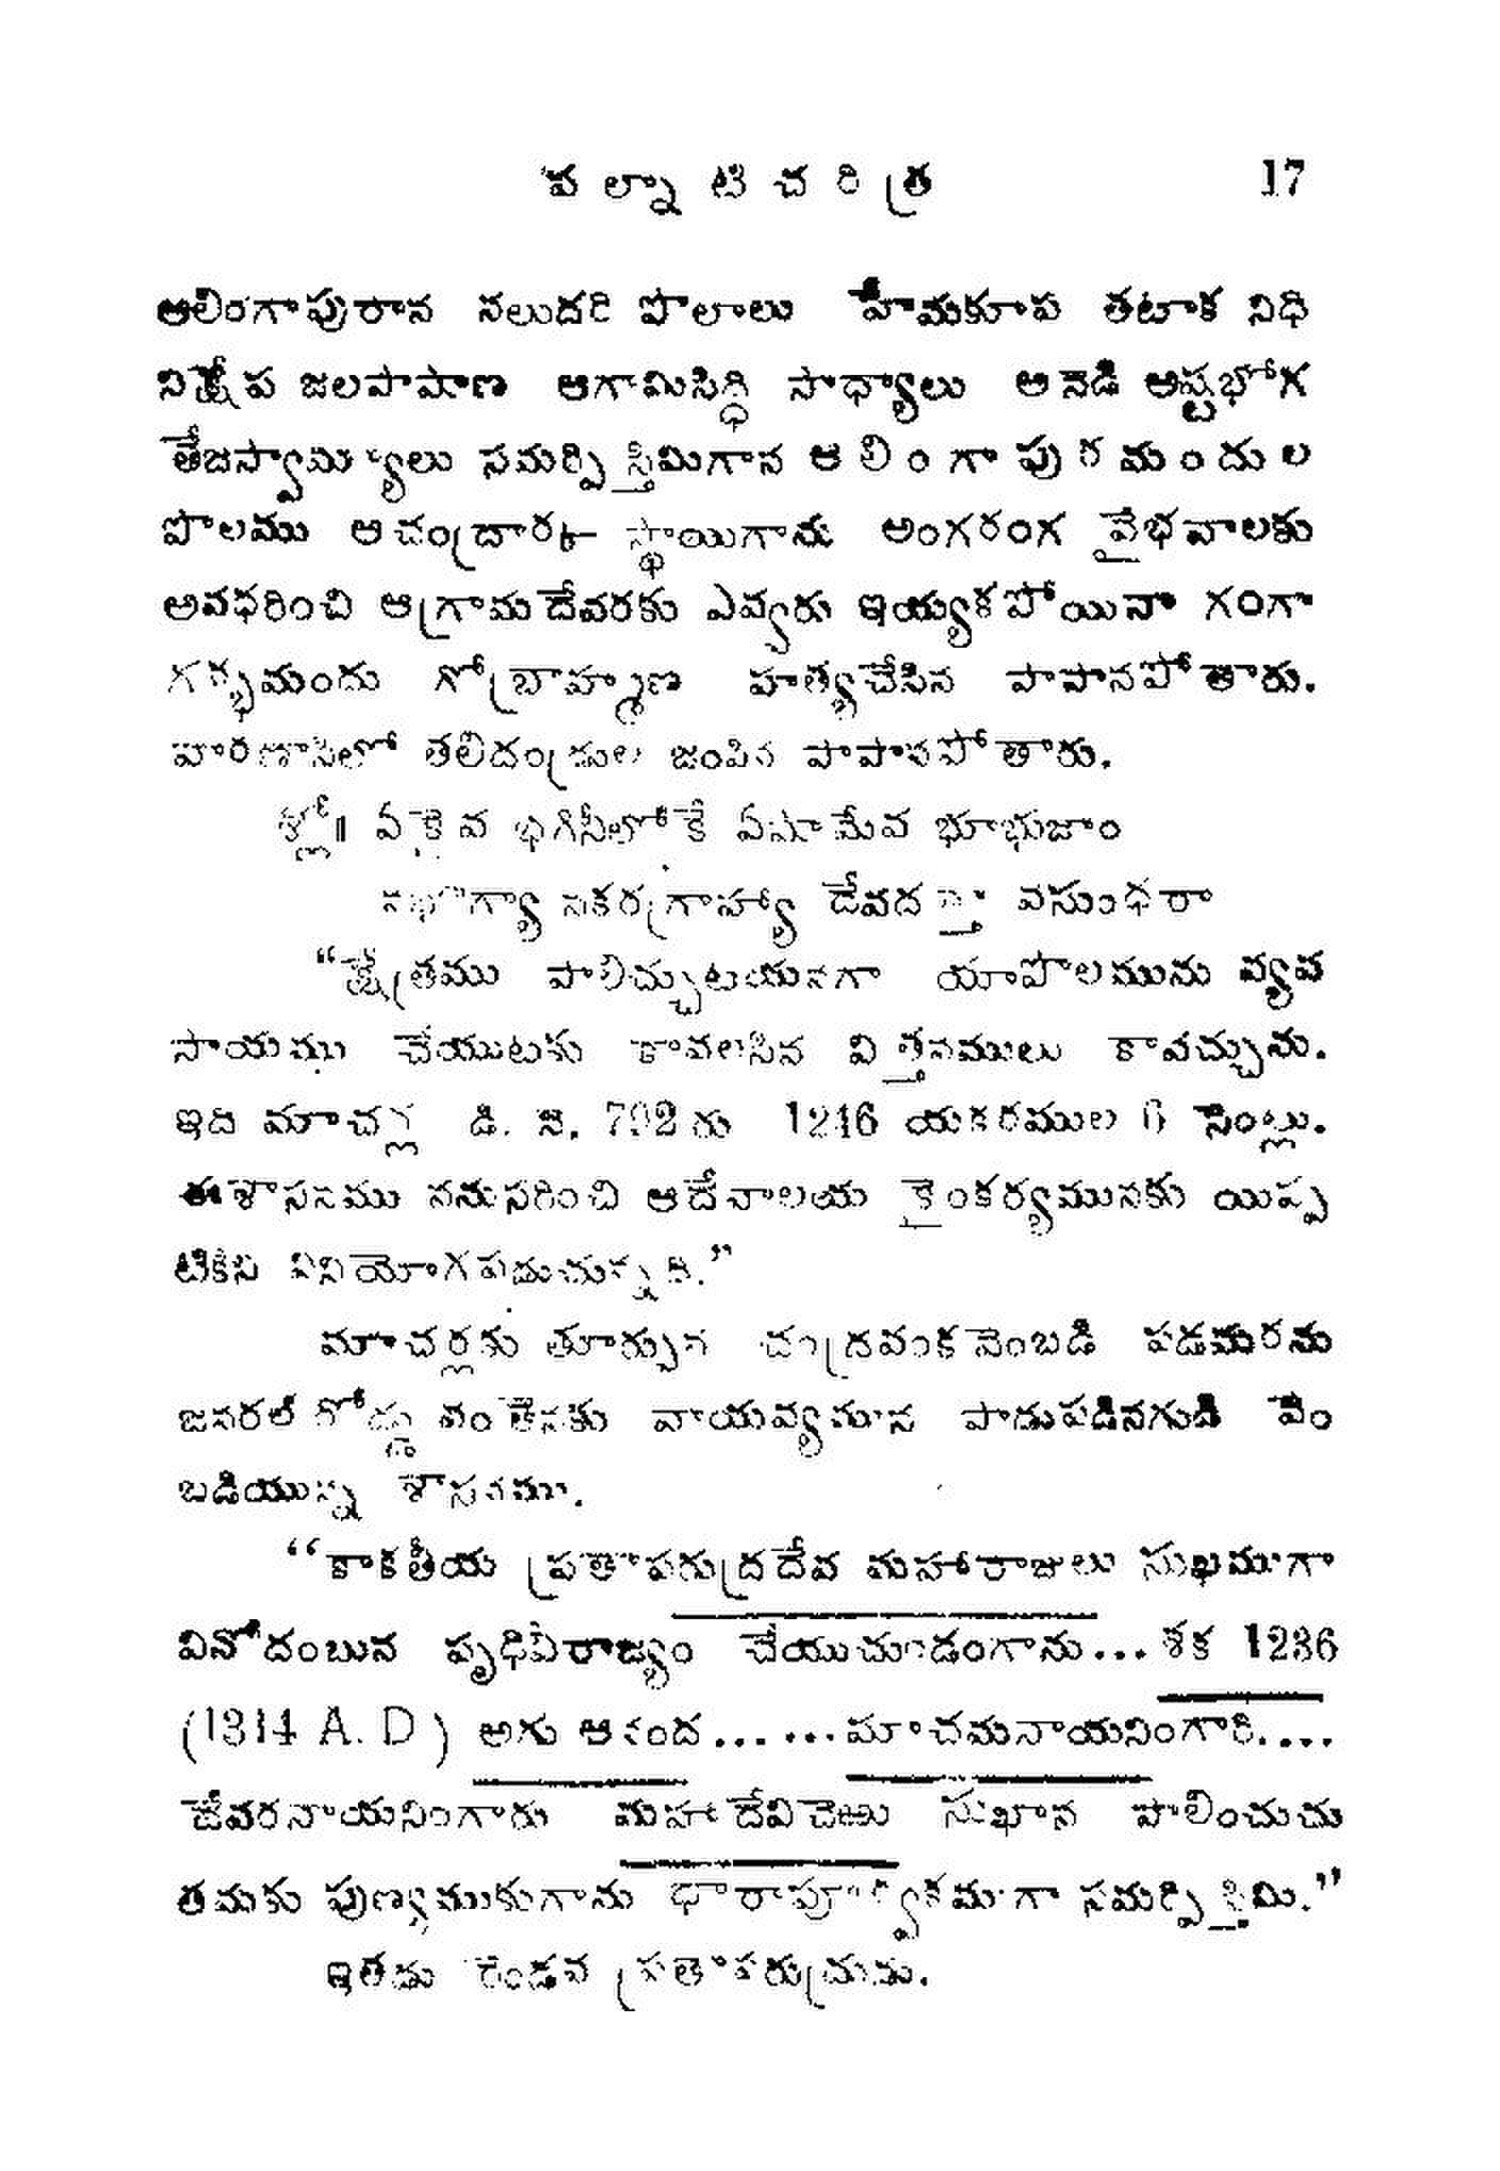ఆలింగాపురాన నలుదరి పొలాలు హేమకూప తటాక నిధి
నిక్షేప జలపాషాణ ఆగామిసిద్ధి సాధ్యాలు అనెడి అష్టభోగ
తేజస్వామ్యాలు సమర్పిస్తిమిగాన ఆలింగాపురమందుల
పొలము ఆచంద్రార్కస్థాయిగాను అంగరంగ వైభవాలకు
అవధరించి ఆగ్రామదేవరకు ఎవ్వరు ఇయ్యకపోయినా గంగా
గర్భమందు గోబ్రాహ్మణ హత్యచేసిన పాపానపోతారు.
వారణాసిలో తలిదండ్రుల జంపిన పాపానపోతారు.

శ్లో. ఏకైవ భగినీలోకే ఏషామేవ భూభుజాం
 నభోగ్యా నకరగ్రాహ్యా దేవదత్తా వసుంధరా
 
“క్షేత్రము పాలిచ్చుటయనగా యాపొలమును వ్యవసాయము 
చేయుటకు కావలసిన విత్తనములు కావచ్చును.

ఇది మాచర్ల డి. నె. 792రు 1216 యకరముల 6 సెంట్లు.
ఈ శాసనము ననుసరించి ఆదేశాలను కైంకర్యమునకు యిప్ప
టికీని వినియోగపడుచున్నది"

మాచర్లకు తూర్పున చంద్రవంకవెంబడి పడమరను
జనరల్ రోడ్డు వంతెనకు వాయవ్యమున పాడుపడినగుడి 
వెంబడియున్న శాసనము.

"కాకతీయ ప్రతాపరుద్రదేవ మహారాజులు సుఖముగా
వినోదంబున పృధివీరాజ్యం చేయుచుండంగాను... శక 1236
(1314 A.D) అగు ఆనంద.... మాచమనాయనింగారి....
దేవరనాయనింగారు మహాదేవి చెఱు సుఖాన పాలించుచు
తమకు పుణ్యముకుగాను ధారాపూర్వకముగా సమర్పిస్తిమి."

ఇతడు రెండవ ప్రతాపరుద్రుడు.
Wonders